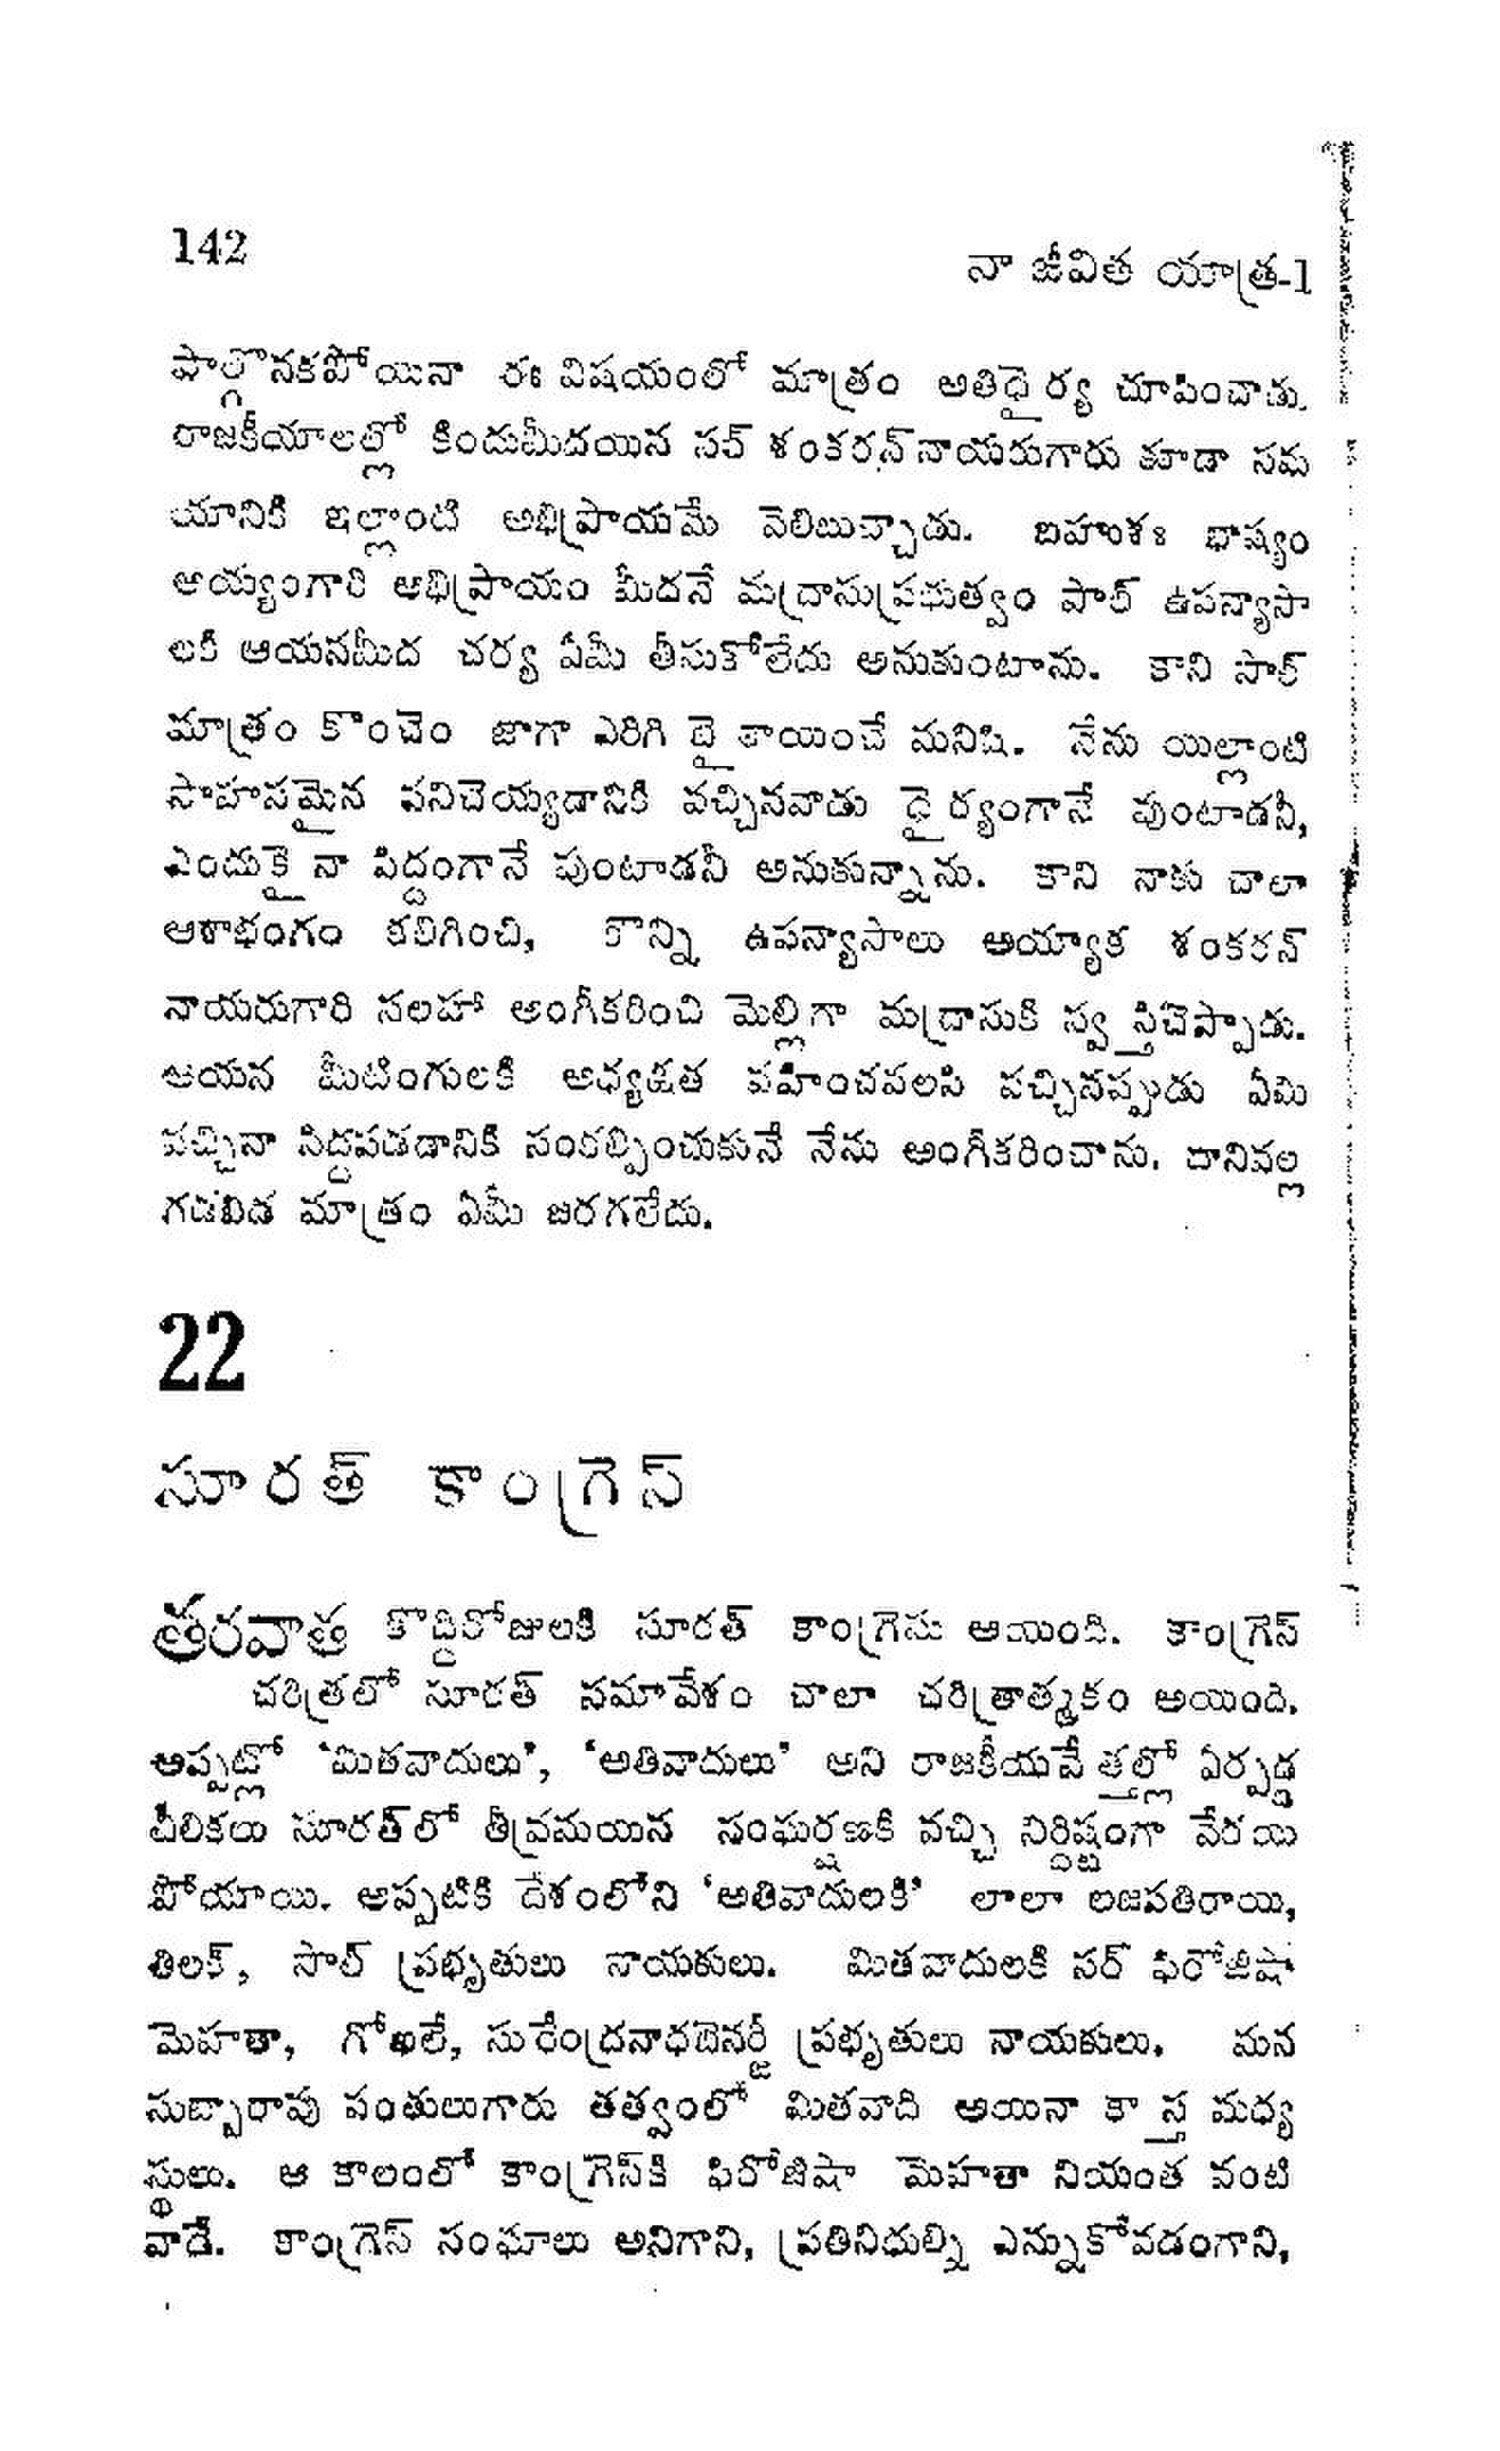పాల్గొనకపోయినా ఈ విషయంలో మాత్రం అతిధైర్య చూపించాడు. రాజకీయాలల్లో కిందుమీదయిన సర్ శంకరన్‌ నాయరుగారు కూడా సమయానికి ఇల్లాంటి అభిప్రాయమే వెలిబుచ్చాడు. బహుశ: భాష్యం అయ్యంగారి అభిప్రాయం మీదనే మద్రాసుప్రభుత్వం పాల్ ఉపన్యాసాలకి ఆయనమీద చర్య ఏమీ తీసుకోలేదు అనుకుంటాను. కాని పాల్ మాత్రం కొంచెం జాగా ఎరిగి బైఠాయించే మనిషి. నేను యిల్లాంటి సాహసమైన పనిచెయ్యడానికి వచ్చినవాడు ధైర్యంగానే వుంటాడనీ, ఎందుకైనా సిద్ధంగానే వుంటాడనీ అనుకున్నాను. కాని నాకు చాలా ఆశాభంగం కలిగించి, కొన్ని ఉపన్యాసాలు అయ్యాక శంకరన్ నాయరుగారి సలహా అంగీకరించి మెల్లిగా మద్రాసుకి స్వస్తిచెప్పాడు. ఆయన మీటింగులకి అధ్యక్షత వహించవలసి వచ్చినప్పుడు ఏమి వచ్చినా సిద్ధపడడానికి సంకల్పించుకునే నేను అంగీకరించాను. దానివల్ల గడబిడ మాత్రం ఏమీ జరగలేదు.

తరవాత కొద్దిరోజులకి సూరత్ కాంగ్రెసు అయింది. కాంగ్రెస్ చరిత్రలో సూరత్ సమావేశం చాలా చరిత్రాత్మకం అయింది. అప్పట్లో 'మితవాదులు', 'అతివాదులు' అని రాజకీయవేత్తల్లో ఏర్పడ్డ చీలికలు సూరత్‌లో తీవ్రమయిన సంఘర్షణకి వచ్చి నిర్దిష్టంగా వేరయి పోయాయి. అప్పటికి దేశంలోని 'అతివాదులకి' లాలా లజపతిరాయి, తిలక్, పాల్ ప్రభృతులు నాయకులు. మితవాదులకి సర్ ఫిరోజిషా మెహతా, గోఖలే, సురేంద్రనాధ బెనర్జీ ప్రభృతులు నాయకులు. మన సుబ్బారావు పంతులుగారు తత్వంలో మితవాది అయినా కాస్త మధ్యస్థులు. ఆ కాలంలో కాంగ్రెస్‌కి ఫిరోజిషా మెహతా నియంత వంటివాడే. కాంగ్రెస్ సంఘాలు అనిగాని, ప్రతినిధుల్ని ఎన్నుకోవడంగాని